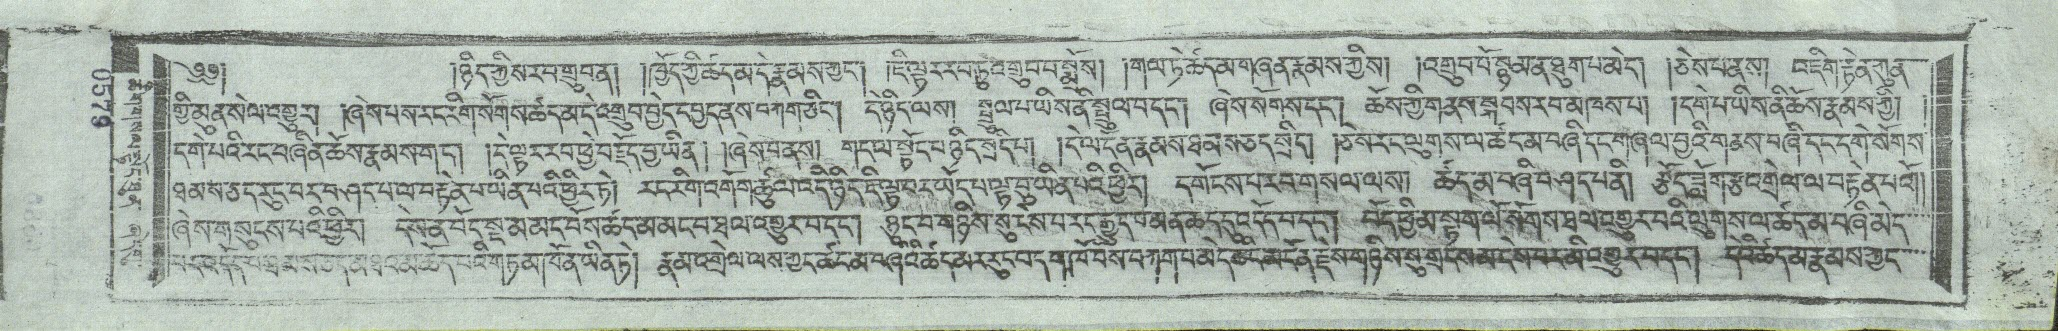༄༅། །ཉིད་ཀྱིས་རབ་གྲུབ་ན། །ཁྱོད་ཀྱི་ཚད་མ་དེ་རྣམས་ཀྱང་། །ཇི་ལྟར་རབ་ཏུ་འགྲུབ་པ་སྨྲོས། །གལ་ཏེ་ཚད་མ་གཞན་རྣམས་ཀྱིས། །འགྲུབ་པོ་སྙམ་ན་ཐུག་པ་མེད། །ཅེས་པ་ནས། འཇིག་རྟེན་ཀུན་
གྱི་མུན་སེལ་འགྱུར། །ཞེས་པས་རང་རིག་སོགས་ཚད་མ་དེ་འགྲུབ་བྱེད་དཔྱད་ནས་བཀག་ཅིང་། དེ་ཉིད་ལས། སྤྲུལ་པ་ཡིས་ནི་སྤྲུལ་བ་དང་། ཞེས་སོགས་དང་། ཆོས་ཀྱི་གནས་སྐབས་རབ་མཁས་པ། །དགེ་པ་ཡིས་ནི་ཆོས་རྣམས་ཀྱི། །
དགེ་པའི་རང་བཞིན་ཆོས་རྣམས་གང་། །དེ་ལྟར་རབ་ཕྱེ་བརྗོད་བྱ་ཡིན། །ཞེས་པ་ནས། གང་ལ་སྟོང་པ་ཉིད་སྲིད་པ། །དེ་ལ་དོན་རྣམས་ཐམས་ཅད་སྲིད། །ཅེས་རང་ལུགས་ལ་ཚད་མ་བཞི་དང་གཞལ་བྱའི་གནས་བཞི་དང་དགེ་སོགས་
ཐམས་ཅད་རུང་བར་བཤད་པ་ལ་བརྟེན་པ་ཡིན་པའི་ཕྱིར་ཏེ། རང་རིག་འགོག་ཚུལ་འདི་ཉིད་ཇི་ལྟ་བར་ཡོད་པ་ལྟ་བུ་ཡིན་པའི་ཕྱིར། དགོངས་པ་རབ་གསལ་ལས། ཚད་མ་བཞི་བཤད་པ་ནི། རྩོད་ཟློག་རྩ་འགྲེལ་ལ་བརྟེན་པའོ།།
ཞེས་གསུངས་པའི་ཕྱིར། དེས་ན་བོད་སྔ་མ་མང་བོས་ཚད་མ་མང་བ་ཐལ་འགྱུར་བ་དང་། ཉུང་བ་གཉིས་སུ་ངེས་པ་རང་རྒྱུད་པ་མན་ཆད་དུ་འདོད་པ་དང་། བོད་ཕྱི་མ་སྟག་ལོ་སོགས་ཐལ་འགྱུར་བའི་ལུགས་ལ་ཚད་མ་བཞི་མེད་
པར་འདོད་པ་ཐམས་ཅད་མཐའ་མཆོད་པའི་གཏམ་ཁོ་ན་ཡིན་ཏེ། རྣམ་འགྲེལ་ལས་ཀྱང་ཚད་མ་བཞིའི་ཚད་མར་རུང་བ་དག་ཁོ་བོས་བཀག་པ་མེད་ཅིང་མངོན་རྗེས་གཉིས་སུ་གྲངས་མ་ངེས་པར་མི་འགྱུར་བ་དང་། དེའི་ཚད་མ་རྣམས་ཀྱང་